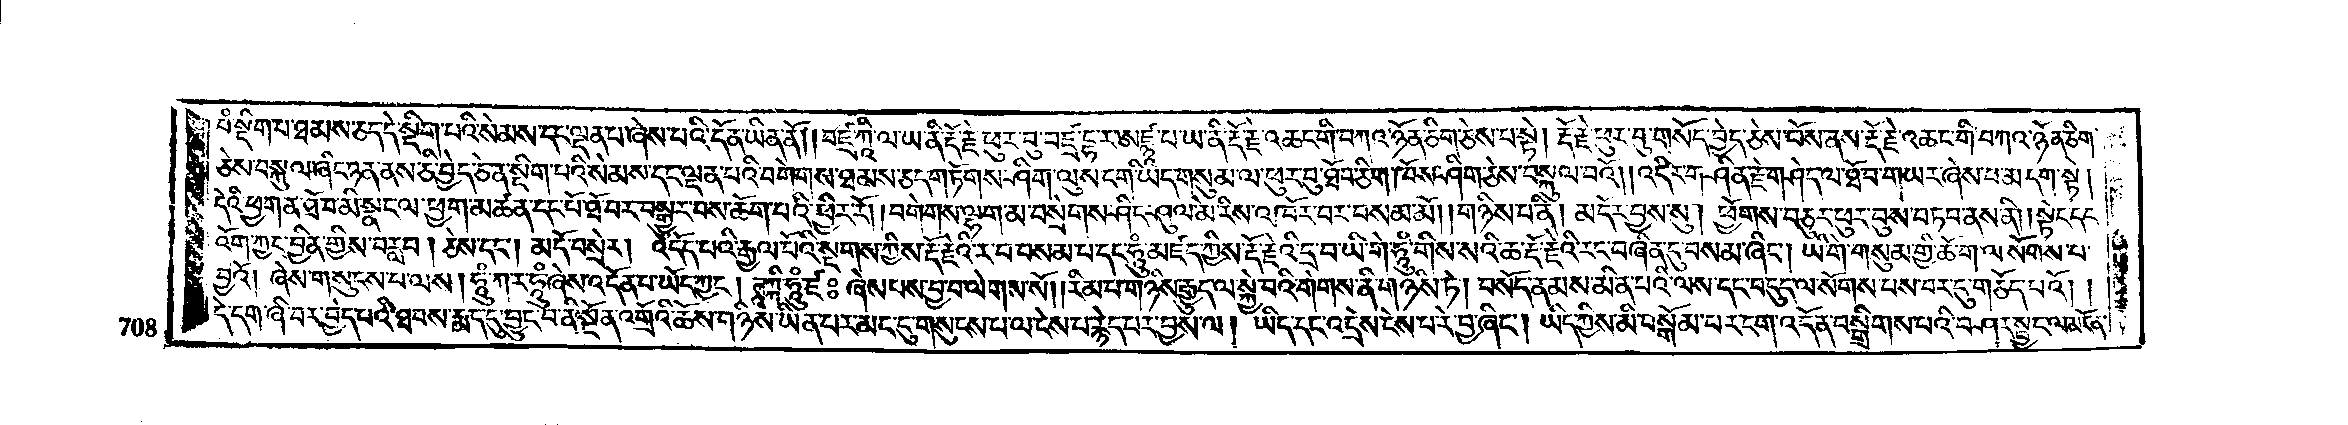པཾ་སྡིག་པ་ཐམས་ཅད་དེ་སྡིག་པའི་སེམས་དང་ལྡན་པ་ཞེས་པའི་དོན་ཡིན་ནོ། །བཛྲ་ཀཱི་ལ་ཡ་ནི་རྡོ་རྗེ་ཕུར་བུ་བཛྲ་དྷ་ར་ཨཛྙཱ་པ་ཡ་ནི་རྡོ་རྗེ་འཆང་གི་བཀའ་ཉོན་ཅིག་ཅེས་པ་སྟེ། རྡོ་རྗེ་ཕུར་བུ་གསོད་བྱེད་ཅེས་བོས་ནས་རྡོ་རྗེ་འཆང་གི་བཀའ་ཉོན་ཅིག་
ཅེས་བསྐུལ་ཞིང་ཉན་ནས་ཅི་བྱེད་ཅེ་ན་སྡིག་པའི་སེམས་དང་ལྡན་པའི་བགེགས་ཐམས་ཅད་གཏོགས་ཤིག་ལུས་ངག་ཡིད་གསུམ་ལ་ཕུར་བུ་ཐོབ་ཅིག་ཁོས་ཤིག་ཅེས་བསྐུལ་བའོ། །འདིར་གཤིན་རྗེ་གཤེད་ལ་ཐོབ་གཡར་ཞེས་པ་མ་དག་སྟེ།
དེའི་ཕྱག་ན་ཐོབ་མི་སྣང་ལ་ཕྱག་མཚན་དང་པོ་ཐོ་བར་བསྒྱུར་བས་ཆོག་པའི་ཕྱིར་རོ། །བགེགས་ལྷག་མ་བསྲེགས་ཤིང་ཤུལ་མེ་རིས་འཁོར་བར་བསམ་མོ། །གཉིས་པ་ནི། མདོར་བྱས་སུ། ཕྱོགས་བཅུར་ཕུར་བུས་བཏབ་ནས་ནི། །སྟེང་དང་
འོག་ཀྱང་བྱིན་གྱིས་བརླབ། ཅེས་དང་། མདོ་བསྲེར། འདོད་པའི་རྒྱལ་པོའི་སྔགས་ཀྱིས་རྡོ་རྗེའི་ར་བ་བསམ་པ་དང་ཧཱུཾ་མཛད་ཀྱིས་རྡོ་རྗེའི་དྲ་བ་ཡི་གེ་ཧཱུཾ་གིས་སའི་ཆ་རྡོ་རྗེའི་རང་བཞིན་དུ་བསམ་ཞིང་། ཡི་གེ་གསུམ་གྱི་ཆོ་ག་ལ་སོགས་པ་
བྱའོ། ཞེས་གསུངས་པ་ལས། ཧཱུཾ་ཀ་ར་ཧཱུཾ་ཞེས་འདོན་པ་ཡོད་ཀྱང་། ཊཱིཀྐ་ཧཱུཾ་ཛཿ ཞེས་པས་བྱ་བ་ལེགས་སོ། །རིམ་པ་གཉིས་རྒྱུད་ལ་སྐྱེ་བའི་གེགས་ནི་གཉིས་ཏེ། བསོད་ནམས་མིན་པའི་ལས་དང་བདུད་ལ་སོགས་པས་བར་དུ་གཅོད་པའོ། །
དེ་དག་ཞི་བར་བྱེད་པའི་ཐབས་རྨད་དུ་བྱུང་བ་ནི་སྔོན་འགྲོའི་ཆོས་གཉིས་ཡིན་པར་མང་དུ་གསུངས་པ་ལ་ངེས་པ་རྙེད་པར་བྱས་ལ། ཡིད་དང་འདྲེས་ངེས་པ་རེ་བྱ་ཞིང་། ཡིད་ཀྱིས་མི་བསྒོམ་པར་ངག་འདོན་བསྒྲིགས་པའི་བཤར་སྦྱང་ལ་མངོན་